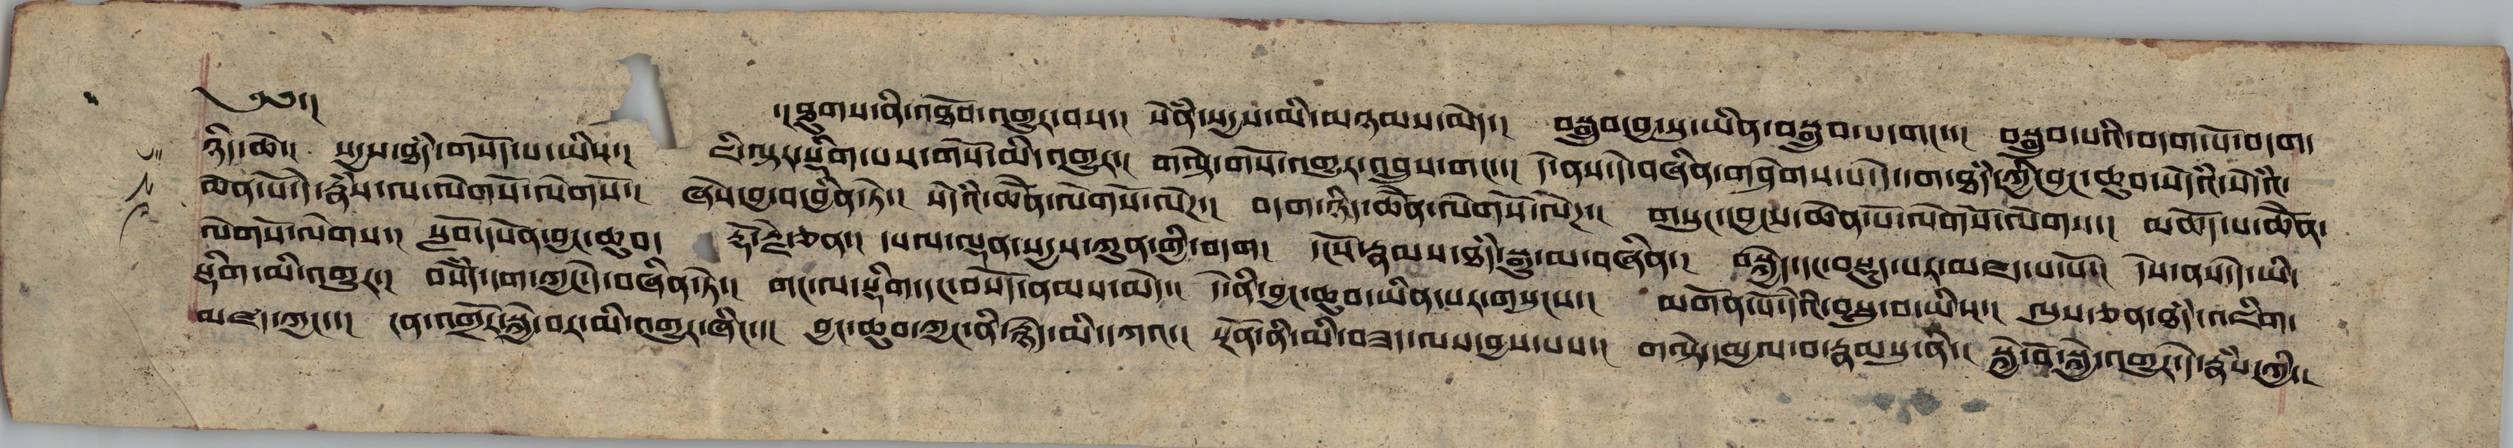༄༅་། ་།ཐུགས་ནི་འཐོབ་འགྱུར་བས་། སེཾན་སདྱས་མི་མཉམས་མེད་། བསྒྲུབ་བྱ་སུ་ཡིན་བསྒྲུབ་པ་གང་་། བསྒྲུབ་པའི་བདག་པོ་བདག་
ཉིད་ཆེ་། སདྱས་ཐཾད་གསོད་པ་ཡིས་། ཇི་ལྟར་སྡིག་པས་གསོ་མི་འགྱུར་། གལྟེ་གསོ་འགྱུར་འབྲུས་གང་་། དེ་ནས་དེ་བཞིན་གཤེགས་པ་དེ་དག་ཐཾད་ཀྱི་བྱང་ཆུབ་སེདཾའ་སེདཾའ་
ཆེན་པོ་དེ་རྣཾས་ལ་ལེགསོ་ལེགསོ་། ཞེས་བྱ་བ་བྱིན་ཏེ་། སེདཾའ་ཆེནོ་ལེགསོ་ལེཌ་། བདག་ཉིད་ཆེོན་ལེགསོ་ལེཌ་། གསུང་དབྱངས་ཆེན་པོ་ལེགསོ་ལེགས་། མཆོད་པ་ཆེནོ་
ལེགསོ་ལེགས་། སློབ་དཔོན་བྱང་ཆུབ་ རྡོ་རྗེ་ཅན་། དཔལ་ལྡན་སདྱས་ཀུན་གྱི་བདག། དངོས་རྣམས་ཐདཾ་སྒྱུ་མ་བཞིན་། བསྐྱེད་དང་བསྡུད་པར་མཛད་པ་པོ་། དེས་ནས་དེ་ཡི་
སྡིག་མི་འགྱུར་། བསོཾད་དག་ཀྱང་དེ་བཞིན་ཏེ་། གང་ལ་སྡིག་དང་བསོད་ནམས་མེད་། དེ་ནི་བྱང་ཆུབ་ཡིན་པར་གསུངས་། མགོན་པོ་དེའི་བསླུ་བ་ཡིས་། ལུས་ཅན་ཐདཾ་འཇིག་
མཛད་ཀྱང་་། ངན་འགྲོར་སྐྱེ་བར་མི་འགྱུར་ཞིང་་། བྱང་ཆུབ་ཀྱང་ནི་རྙེད་མི་དཀའ་། སྔོན་ནི་མི་བཟད་ལས་བྱས་པས་། གལྟེ་དམྱལ་བ་རྣམསུ་ནི་། སྐྱེ་བོ་སྐྱེ་འགྱུར་དེ་རྣཾས་ཀྱི་།